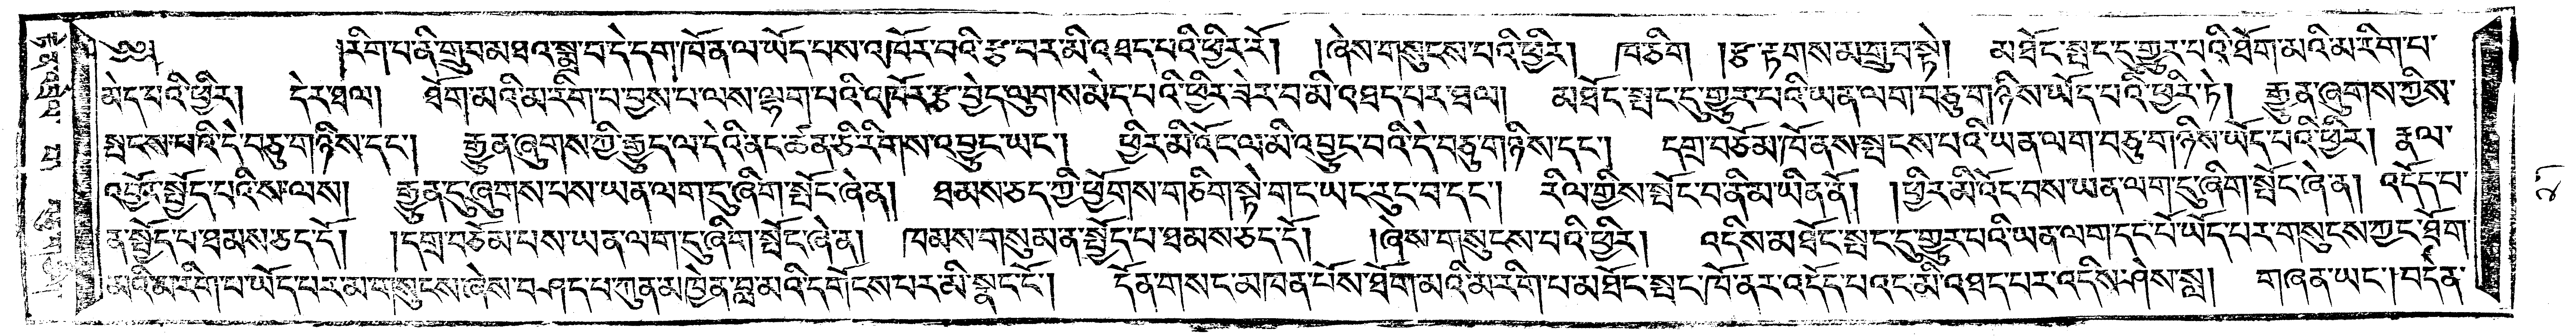༄༅། །རིག་པ་ནི་གྲུབ་མཐའ་སྨྲ་བ་དེ་དག་ཁོ་ན་ལ་ཡོད་པས་འཁོར་བའི་རྩ་བར་མི་འཐད་པའི་ཕྱིར་རོ། །ཞེས་གསུངས་པའི་ཕྱིར། ཁ་ཅིག །རྩ་རྟགས་མ་གྲུབ་སྟེ། མཐོང་སྤང་དུ་གྱུར་པའི་ཐོག་མའི་མ་རིག་པ་
མེད་པའི་ཕྱིར། དེར་ཐལ། ཐོག་མའི་མ་རིག་པ་བྱས་པ་ལས་ལྷག་པའི་འཁོར་རྩ་བྱེད་ལུགས་མེད་པའི་ཕྱིར་ཟེར་བ་མི་འཐད་པར་ཐལ། མཐོང་སྤང་དུ་གྱུར་པའི་ཡན་ལག་བཅུ་གཉིས་ཡོད་པའི་ཕྱིར་ཏེ། རྒྱུན་ཞུགས་ཀྱིས་
སྤངས་པའི་དེ་བཅུ་གཉིས་དང་། རྒྱུན་ཞུགས་ཀྱི་རྒྱུད་ལ་དེའི་ནང་ཚན་ཅི་རིགས་འབྱུང་ཡང་། ཕྱིར་མི་འོང་ལ་མི་འབྱུང་བའི་དོ་བཅུ་གཉིས་དང་། དགྲ་བཅོམ་ཁོ་ནས་སྤངས་པའི་ཡན་ལག་བཅུ་གཉིས་ཡོད་པའི་ཕྱིར། རྣལ་
འབྱོར་སྤྱོད་པའི་ས་ལས། རྒྱུན་དུ་ཞུགས་པས་ཡན་ལག་དུ་ཞིག་སྤོང་ཞེ་ན། ཐམས་ཅད་ཀྱི་ཕྱོགས་གཅིག་སྟེ་གང་ཡང་རུང་བ་དང་། རིལ་གྱིས་སྤོང་བ་ནི་མ་ཡིན་ནོ། །ཕྱིར་མི་འོང་བས་ཡན་ལག་དུ་ཞིག་སྤོང་ཞེ་ན། འདོད་པ་
ན་སྤྱོད་པ་ཐམས་ཅད་དོ། །དགྲ་བཅོམ་བས་ཡན་ལག་དུ་ཞིག་སྤོང་ཞེ་ན། ཁམས་གསུམ་ན་སྤྱོད་པ་ཐམས་ཅད་དོ། །ཞེས་གསུངས་པའི་ཕྱིར། འདིས་མཐོང་སྤང་དུ་གྱུར་བའི་ཡན་ལག་དང་པོ་ཡོད་པར་གསུངས་ཀྱང་ཐོག་
མའི་མ་རིག་པ་ཡོད་བར་མ་གསུངས་ཞེས་བཤད་པ་ཀུན་མཁྱེན་བླ་མའི་དགོངས་པར་མི་སྣང་ངོ། དོན་གསང་མཁན་པོས་ཐོག་མའི་མ་རིག་པ་མཐོང་སྤང་ཁོ་ནར་འདོད་པའང་མི་འཐད་པར་འདིས་ཤེས་སླ། གཞན་ཡང་། བདེན་